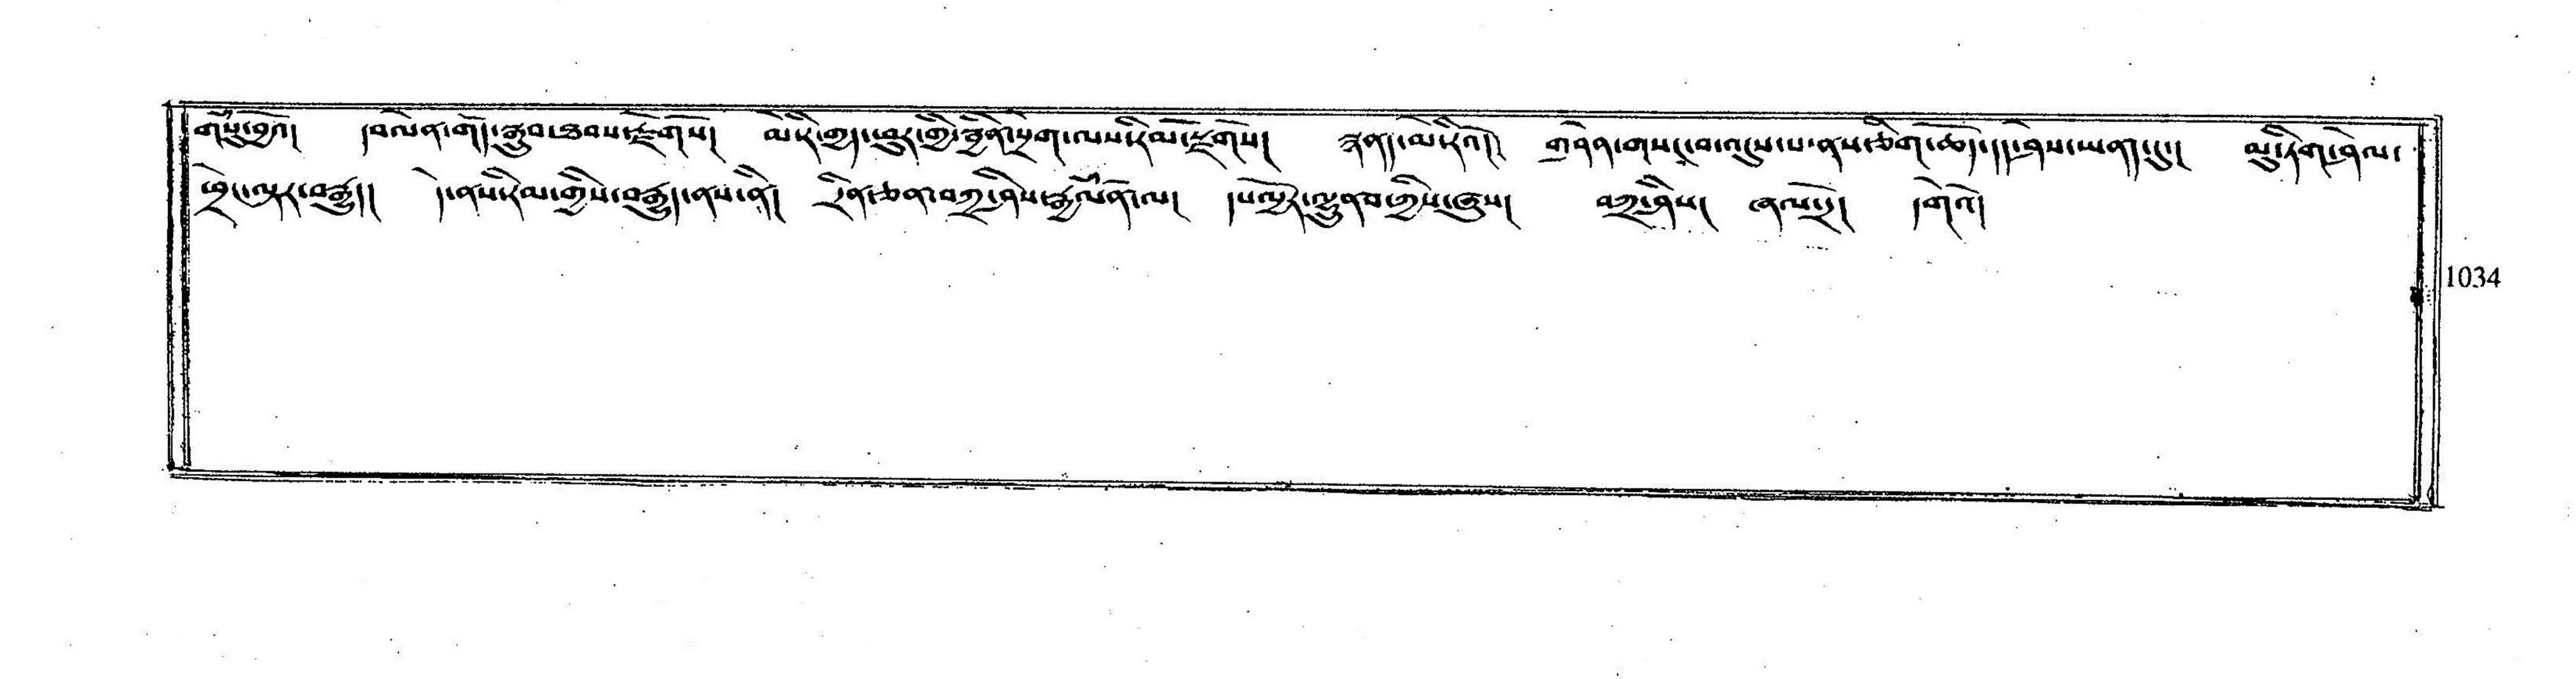གསུམ་བྱའོ། །དབལ་ཆེན་གེ་ཁོད་སྒྲུབ་ཐབས་རྫོགས་སོ། མེ་རི་གྱད་ཕུར་གྱི་སྦྱིན་སྲེག་ལས་རིམ་རྫོགས་སོ། སྙན་རྒྱུད་མེ་རིའོ།། གཤེན་གསང་བ་འདུས་པ་ནས་ཅིག་ཆོད་དད་ཤེས་ཡན་ཆད་དུ། མུ་ཏིག་ཤེལ་
ཕྲེང་ལྟར་བརྒྱུད། དེ་ནས་རིམ་གྱིས་བརྒྱུད་ནས་ནི། དྲིན་ཅན་བཀྲ་ཤིས་རྒྱལ་མཚན་ལ། དཔལ་འབྱོར་ལྷུན་གྲུབ་ཀྱིས་ཞུས། བཀྲ་ཤིས། ཤལ་དྲོ། དགེའོ།